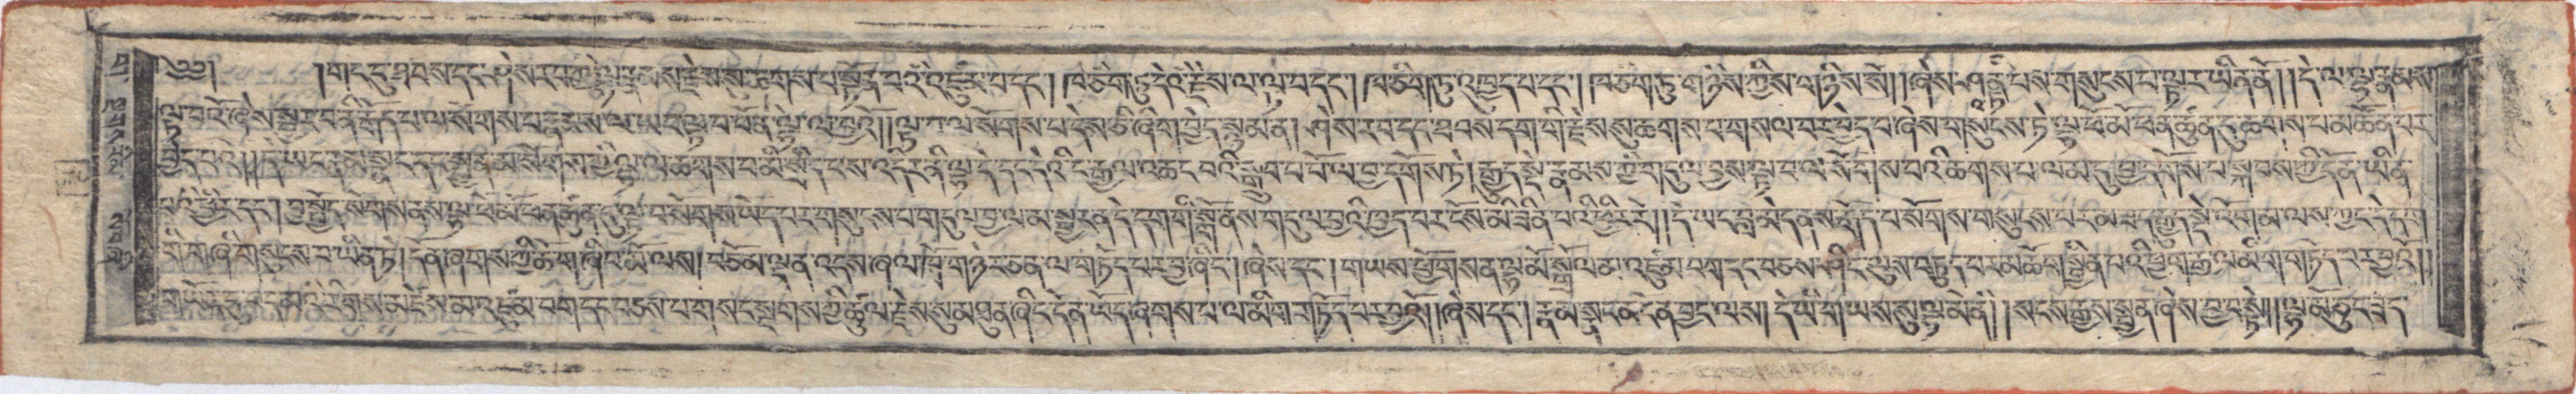༄༅། །གང་དུ་ཐབས་དང་ཤེས་རབ་ཀྱི་ལྷ་རྣམས་རྗེས་སུ་ཆགས་པ་སྟོན་པའི་འཛུམ་པ་དང་། ཁ་ཅིག་ཏུ་དེའི་རྗེས་ལ་ལྟ་བ་དང་། ཁ་ཅིག་ཏུ་འཁྱུད་པ་དང་། ཁ་ཅིག་ཏུ་གཉིས་ཀྱིས་གཉིས་སོ། །ཞེས་ཤཱནྟི་པས་གསུངས་པ་ལྟར་ཡིན་ནོ། །དེ་ལ་ལྷ་རྣམས་
ལྟ་བའོ་ཞེས་སྦྱར་བ་ནི་རྒོད་པ་ལ་སོགས་པ་རྣམས་ལ་ཡང་ལྟ་བ་པོ་ནི་ལྷ་ལ་བྱའོ། །ལྟ་བ་ལ་སོགས་པ་དེས་ཅི་ཞིག་བྱེད་སྙམ་ན། ཤེས་རབ་དང་ཐབས་དག་གི་རྗེས་སུ་ཆགས་པ་གསལ་བར་བྱེད་པ་ཞེས་གསུངས་ཏེ་ལྷ་ཕོ་མོ་ཕན་ཚུན་དུ་ཆགས་པ་མཚོན་པར་
བྱེད་པའོ། །དེ་ཡང་རྣམ་སྣང་དང་སྤྱན་མ་སོགས་ཀྱི་ལྷ་ལ་ཆགས་པ་མི་སྲིད་པས་འདིར་ནི་ལྷ་དེ་དང་དེའི་ང་རྒྱལ་འཆང་བའི་སྒྲུབ་པ་པོ་ལ་བྱ་དགོས་ཏེ། རྒྱུད་སྡེ་རྣམས་ཀྱི་གདུལ་བྱས་ལྟ་བ་ལ་སོགས་པའི་ཆགས་པ་ལམ་དུ་བྱ་དགོས་པ་སྐབས་ཀྱི་དོན་ཡིན་
པའི་ཕྱིར་དང་། བྱ་སྤྱོད་སོགས་ནས་ལྷ་ཕོ་མོ་ཕན་ཚུན་དུ་ལྟ་བ་སོགས་ཡོད་པར་གསུངས་པ་གདུལ་བྱ་ལ་མ་སྦྱར་ན་དེ་དག་གི་སྒོ་ནས་གདུལ་བྱའི་ཁྱད་པར་ངོས་མི་ཟིན་པའི་ཕྱིར་རོ། །དེ་ཡང་བླ་མེད་ནས་རྒོད་པ་སོགས་གསུངས་པར་མ་ཟད་རྒྱུད་སྡེ་འོག་མ་ལས་ཀྱང་དེ་དག་
གི་བཞི་གསུངས་པ་ཡིན་ཏེ། དོན་ཞགས་ཀྱི་ཆོ་ག་ཞི་བ་མོ་ལས། བཅོམ་ལྡན་འདས་ཞལ་ཁྲོ་གཉེར་ཅན་ལ་གཏོད་པར་བྱ་ཞིང་། ཞེས་དང་། གཡས་ཕྱོགས་ན་ལྷ་མོ་སྒྲོལ་མ་འཛུམ་བག་དང་བཅས་ཤིང་ལུས་བཏུད་པར་མཆོག་སྦྱིན་པའི་ཕྱག་རྒྱ་ལ་མིག་གཏོད་པར་བྱའོ།།
གཡོན་དུ་པད་མའི་རིགས་འཛེས་མ་འཛུམ་བག་དང་བཅས་པ་གསང་སྔགས་ཀྱི་ཚུལ་རྗེས་སུ་མཐུན་ཞིང་དོན་ཡོད་ཞགས་པ་ལ་མིག་གཏོད་པར་བྱའོ། །ཞེས་དང་། རྣམ་སྣང་མངོན་བྱང་ལས། དེ་ཡི་གཡས་སུ་ལྷ་མེ་ནི། །སངས་རྒྱས་སྤྱན་ཞེས་བྱ་བ་སྟེ། །ལྷ་མོ་ཅུང་ཟད་